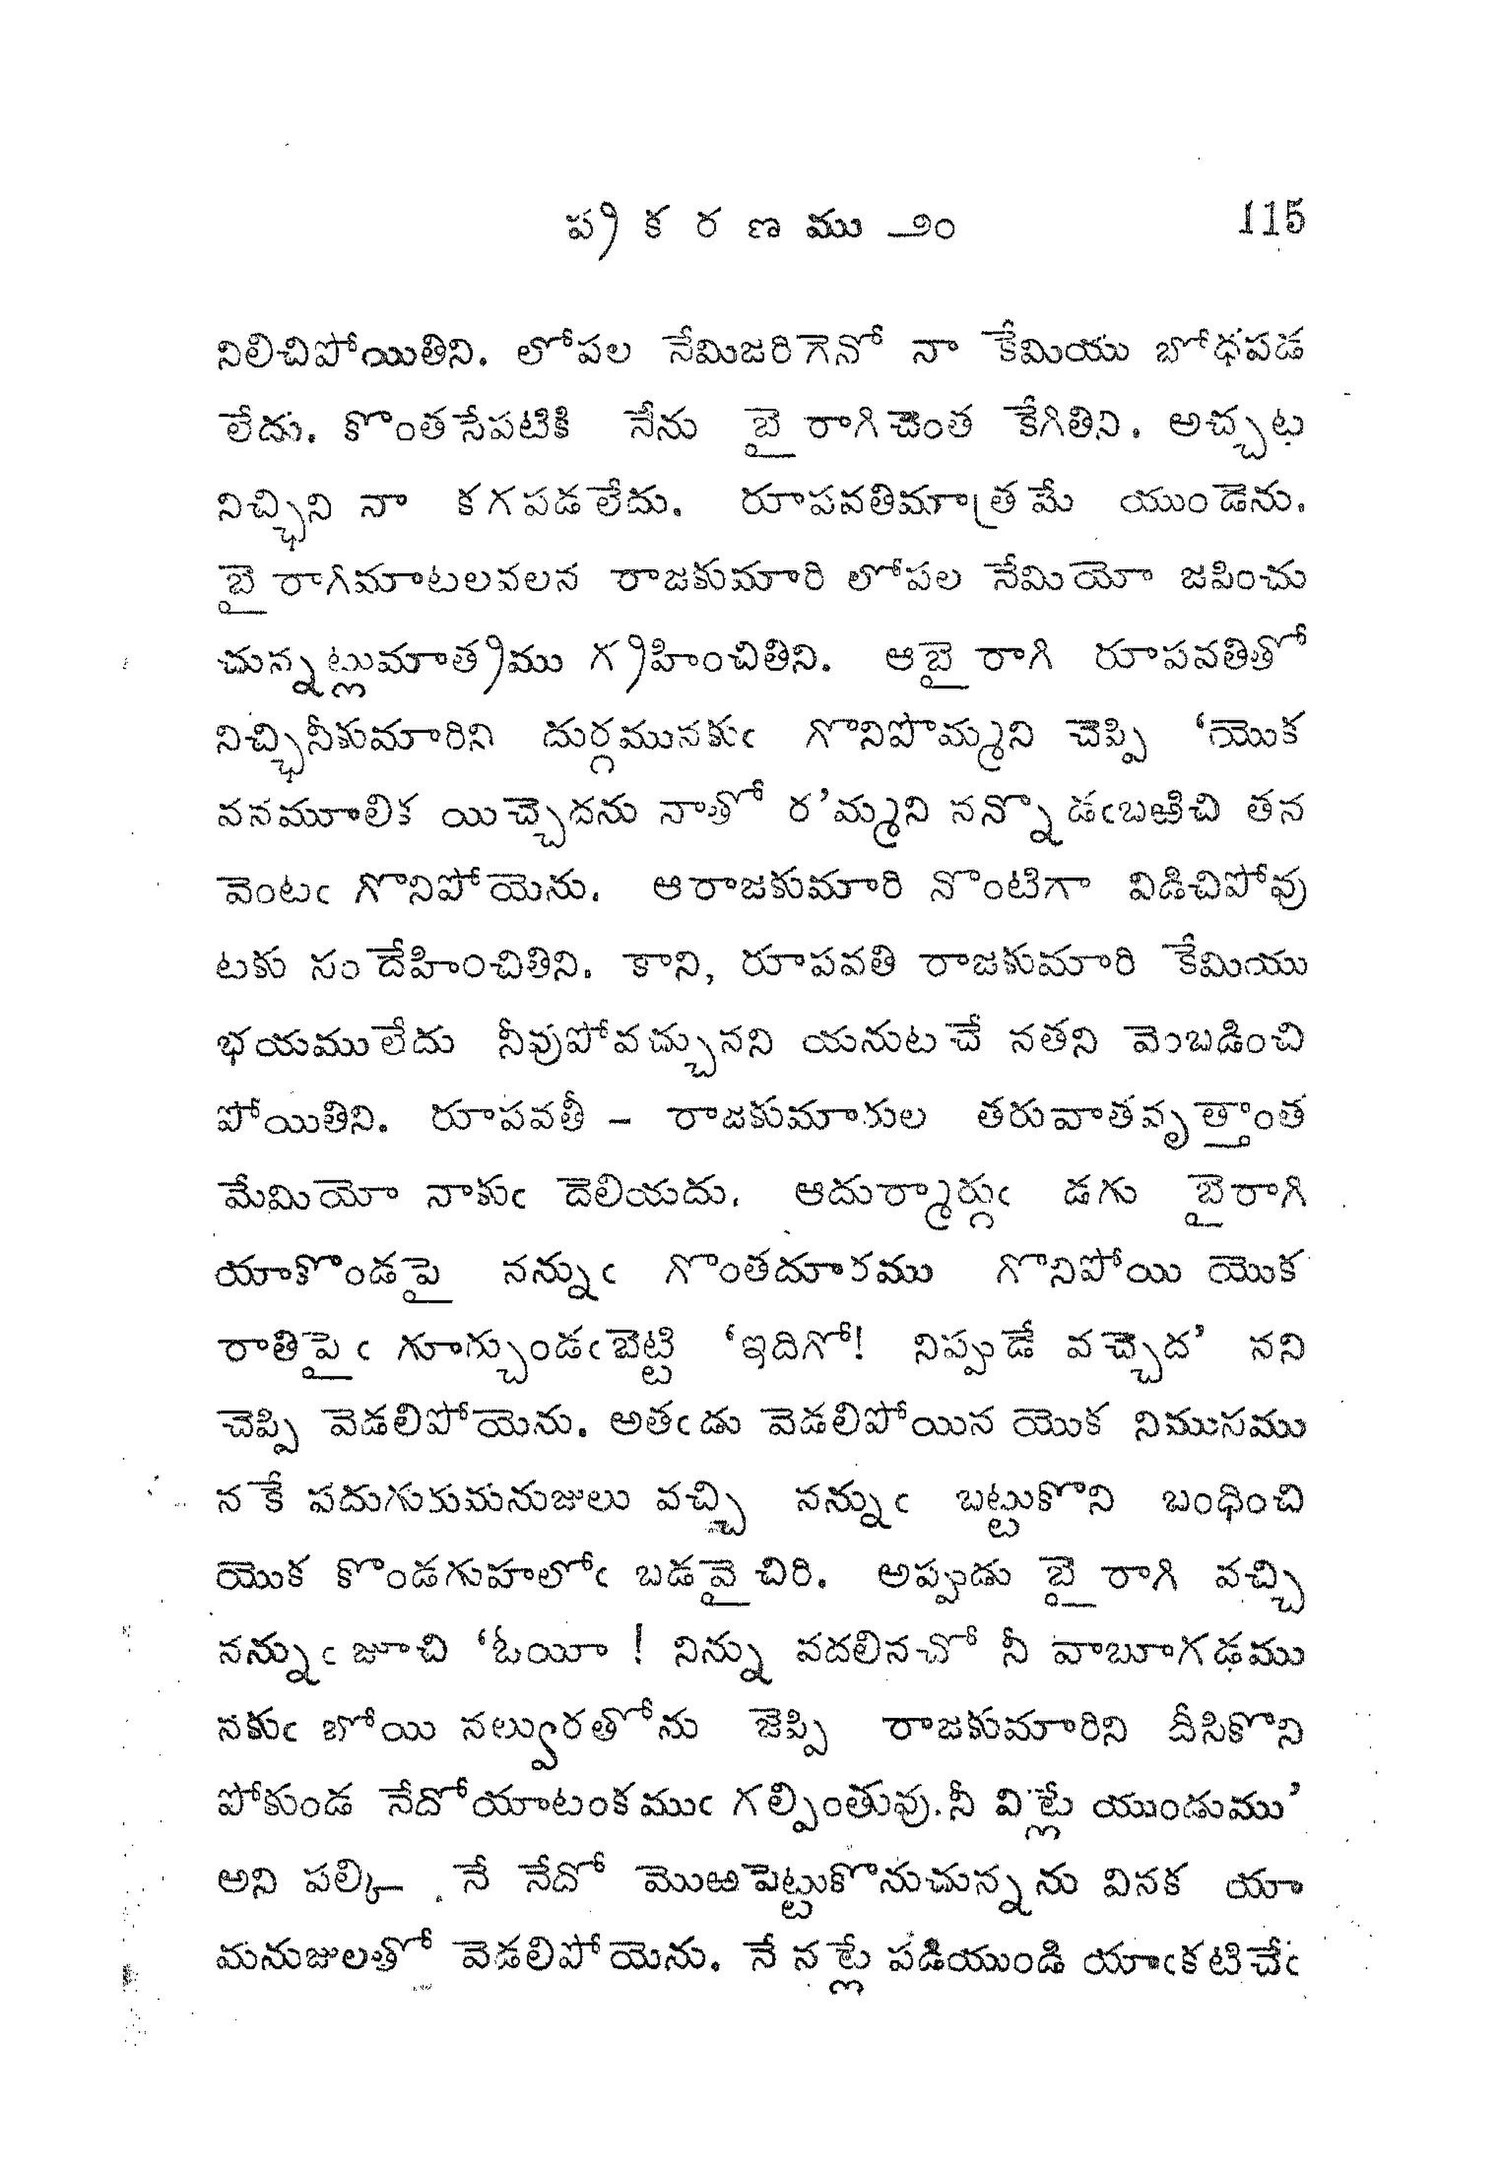నిలిచిపోయితిని. లోపల నేమిజరిగెనో నా కేమియు బోధపడ లేదు. కొంత సేపటికి నేను బై రాగి చెంత కేగితిని . అచ్చట నిచ్ఛిని కనపడ లేదు. రూపవతిమాత్రమే యుండెను. బై రాగిమాటలవలన రాజకుమారి లోపల 'నేమియో జపించు చున్నట్లుమాత్రము గ్రహించితిని. ఆ బై రాగి రూపవతితో నిచ్ఛినీకుమారిని దుర్గమునకుఁ గొనిపొమ్మని చెప్పి 'యొక వనమూలిక యిచ్చెదను నాతో రమ్మని నన్నొడఁబఱిచి తన వెంటఁ గొనిపోయెను. ఆ రాజకుమారి నొంటిగా విడిచిపోవు టకు సందేహించితిని. కాని, రూపవతి రాజకుమారి కేమియు భయము లేదు నీవుపోవచ్చునని యనుటచే నతని వెబడించి పోయితిని. రూపవతీ - రాజకుమారుల తరువాత వృత్తాంత మేమియో నాకు దెలియదు. ఆదుర్మార్గుడగు బైరాగి యాకొండ పై నన్నుఁ గొంతదూరము గొనిపోయి యొక రాతి పై గూర్చుండఁ బెట్టి 'ఇదిగో! నిప్పుడే వచ్చెద' నని చెప్పి వెడలిపోయెను. అతఁడు వెడలిపోయిన యొక నిముసము న కే పదుగురు మనుజులు వచ్చి నన్నుఁ బట్టుకొని బంధించి యొక కొండగుహలోఁ బడ వైచిరి. అప్పుడు బై రాగి వచ్చి నన్నుఁ జూచి 'ఓయీ ! నిన్ను వదలినచో నీ వాబూగడము నకుఁ బోయి నల్వుర తోను జెప్పి రాజకుమారిని దీసికొని పోకుండ నేదోయాటంకముఁ గల్పింతువు. నీ విట్లే యుండుము' అని పల్కి . నే నేదో మొఱ పెట్టుకొనుచున్నను వినక యా మనుజులతో వెడలిపోయెను, నే నట్లేపడియుండి యాఁకటి చే